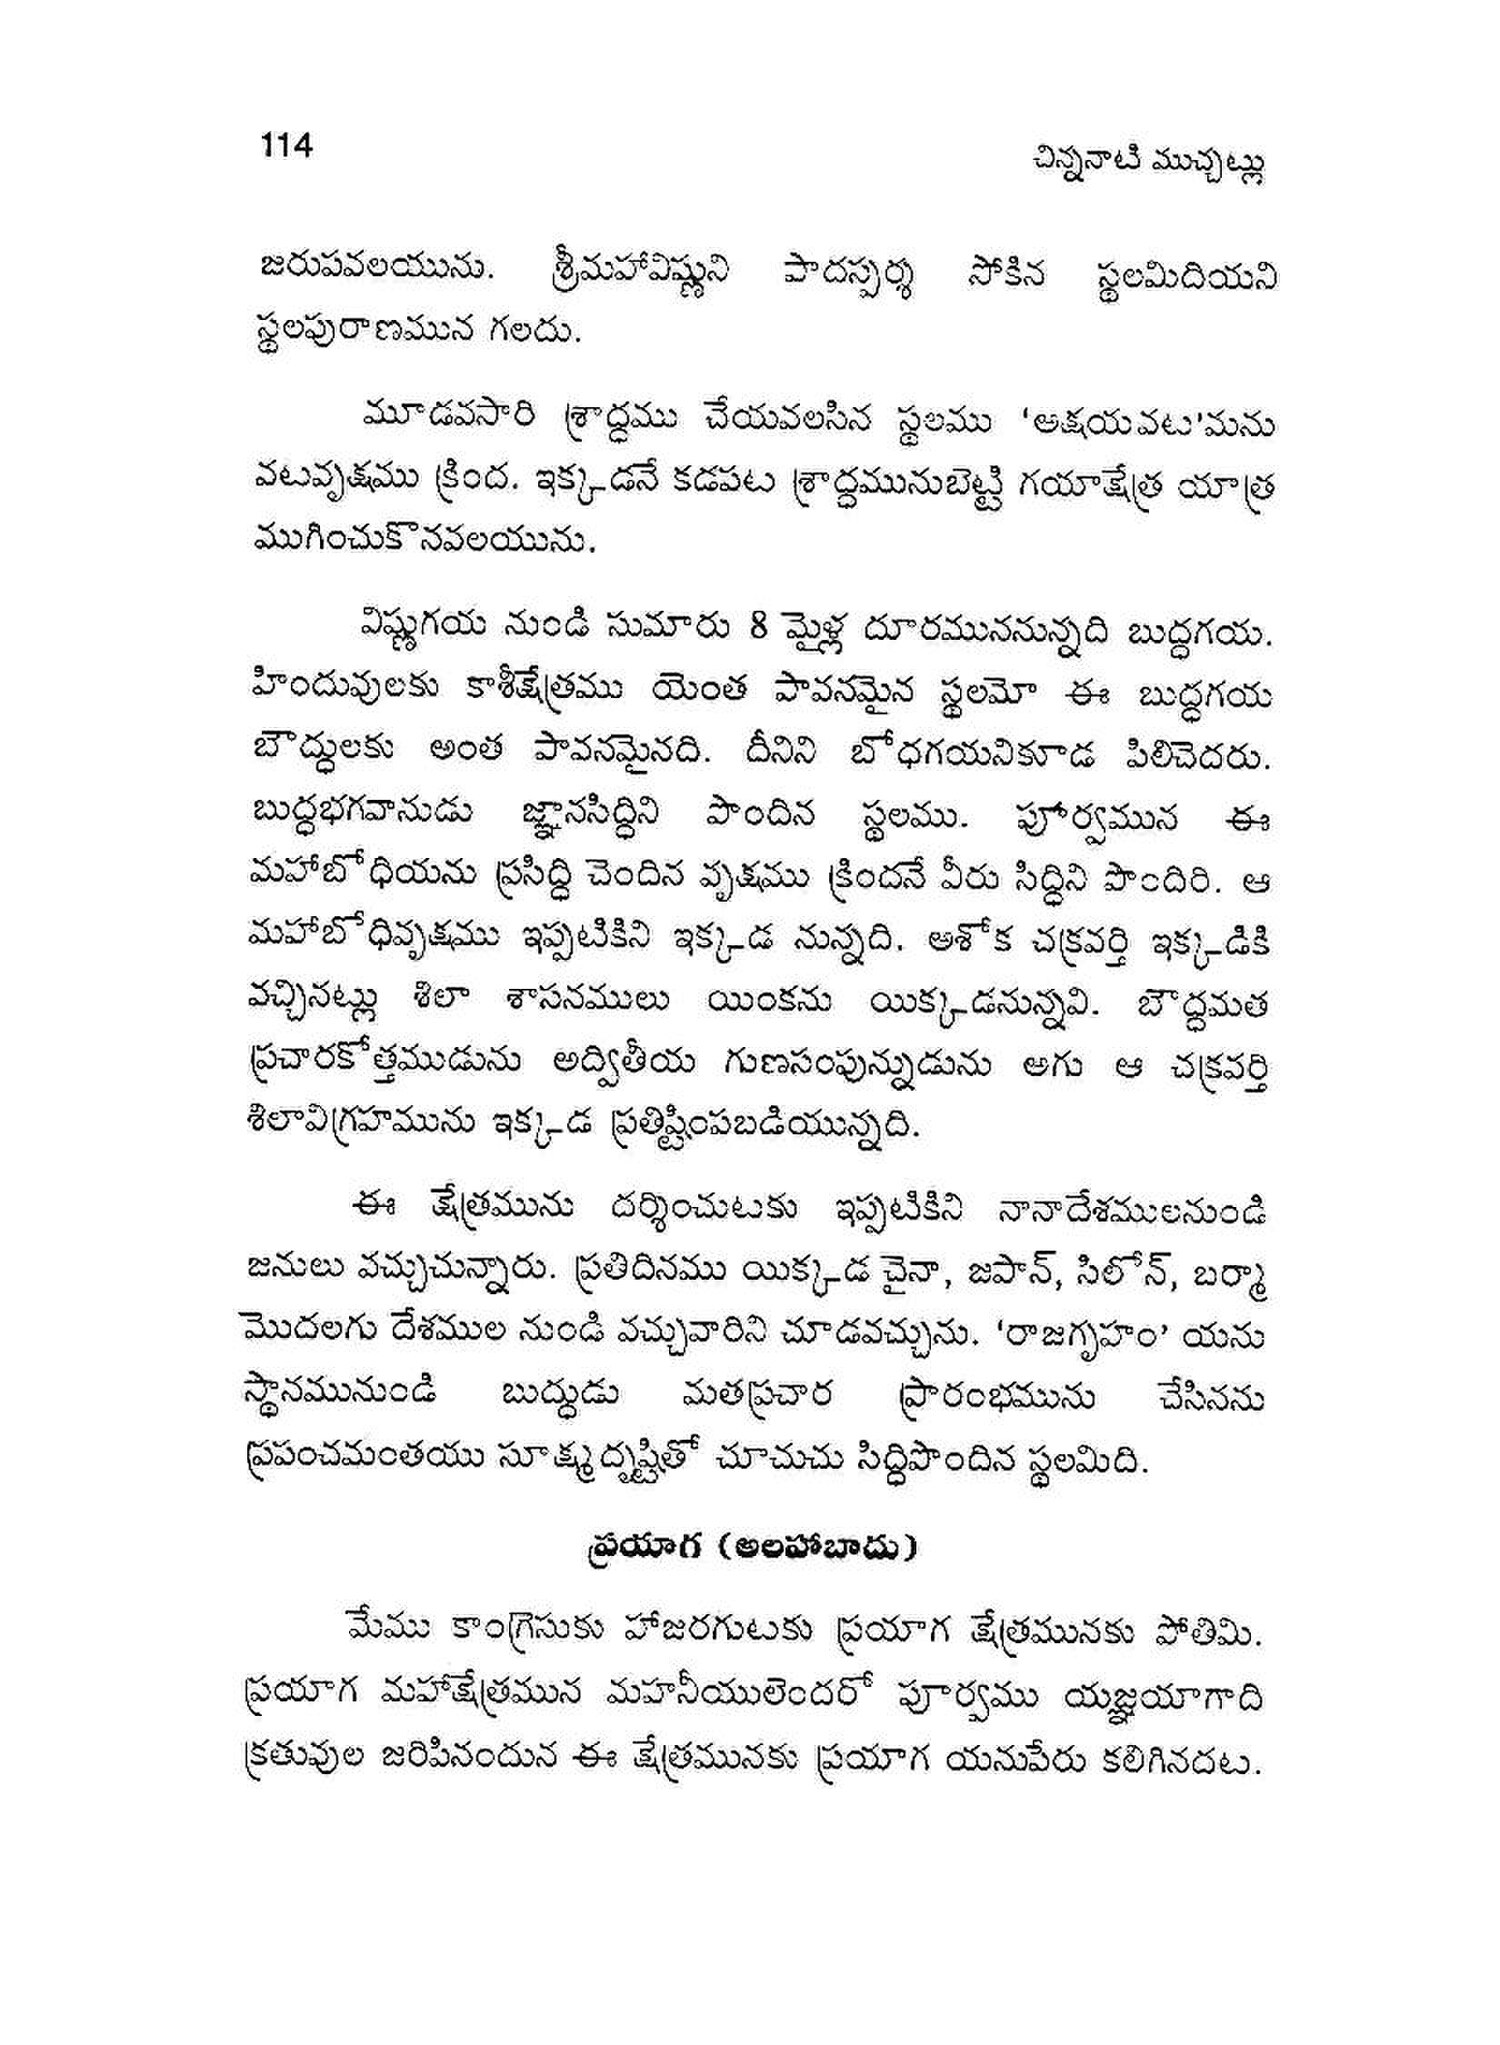జరుపవలయును. శ్రీమహావిష్ణుని పాదస్పర్శ సోకిన స్థలమిదియని స్థలపురాణమున గలదు.

మూడవసారి శ్రాద్దము చేయవలసిన స్థలము 'అక్షయవట'మను వటవృక్షము క్రింద. ఇక్కడనే కడపట శ్రాద్దమునుబెట్టి గయాక్షేత్ర యాత్ర ముగించుకొనవలయును.

విష్ణుగయ నుండి సుమారు 8 మైళ్ల దూరముననున్నది బుద్దగయ. హిందువులకు కాశీక్షేత్రము యెంత పావనమైన స్థలమో ఈ బుద్దగయ బౌద్దులకు అంత పావనమైనది. దీనిని బోధగయనికూడ పిలిచెదరు. బుద్ధభగవానుడు జ్ఞానసిద్ధిని పొందిన స్థలము. పూర్వమున ఈ మహాబోధియను ప్రసిద్ధి చెందిన వృక్షము క్రిందనే వీరు సిద్ధిని పొందిరి. ఆ మహాబోధివృక్షము ఇప్పటికిని ఇక్కడ నున్నది. అశోక చక్రవర్తి ఇక్కడికి వచ్చినట్లు శిలా శాసనములు యింకను యిక్కడనున్నవి. బౌద్ధమత ప్రచారకోత్తముడును అద్వితీయ గుణసంపన్నుడును అగు ఆ చక్రవర్తి శిలావిగ్రహమును ఇక్కడ ప్రతిష్టింపబడియున్నది.

ఈ క్షేత్రమును దర్శించుటకు ఇప్పటికిని నానాదేశములనుండి జనులు వచ్చుచున్నారు. ప్రతిదినము యిక్కడ చైనా, జపాన్, సిలోన్, బర్మా మొదలగు దేశముల నుండి వచ్చువారిని చూడవచ్చును. 'రాజగృహం' యను స్థానమునుండి బుద్ధుడు మతప్రచార ప్రారంభమును చేసినను ప్రపంచమంతయు సూక్ష్మదృష్టితో చూచుచు సిద్ధిపొందిన స్థలమిది.

మేము కాంగ్రెసుకు హాజరగుటకు ప్రయాగ క్షేత్రమునకు పోతిమి. ప్రయాగ మహాక్షేత్రమున మహనీయులెందరో పూర్వము యజ్ఞయాగాది క్రతువుల జరిపినందున ఈ క్షేత్రమునకు ప్రయాగ యనుపేరు కలిగినదట.